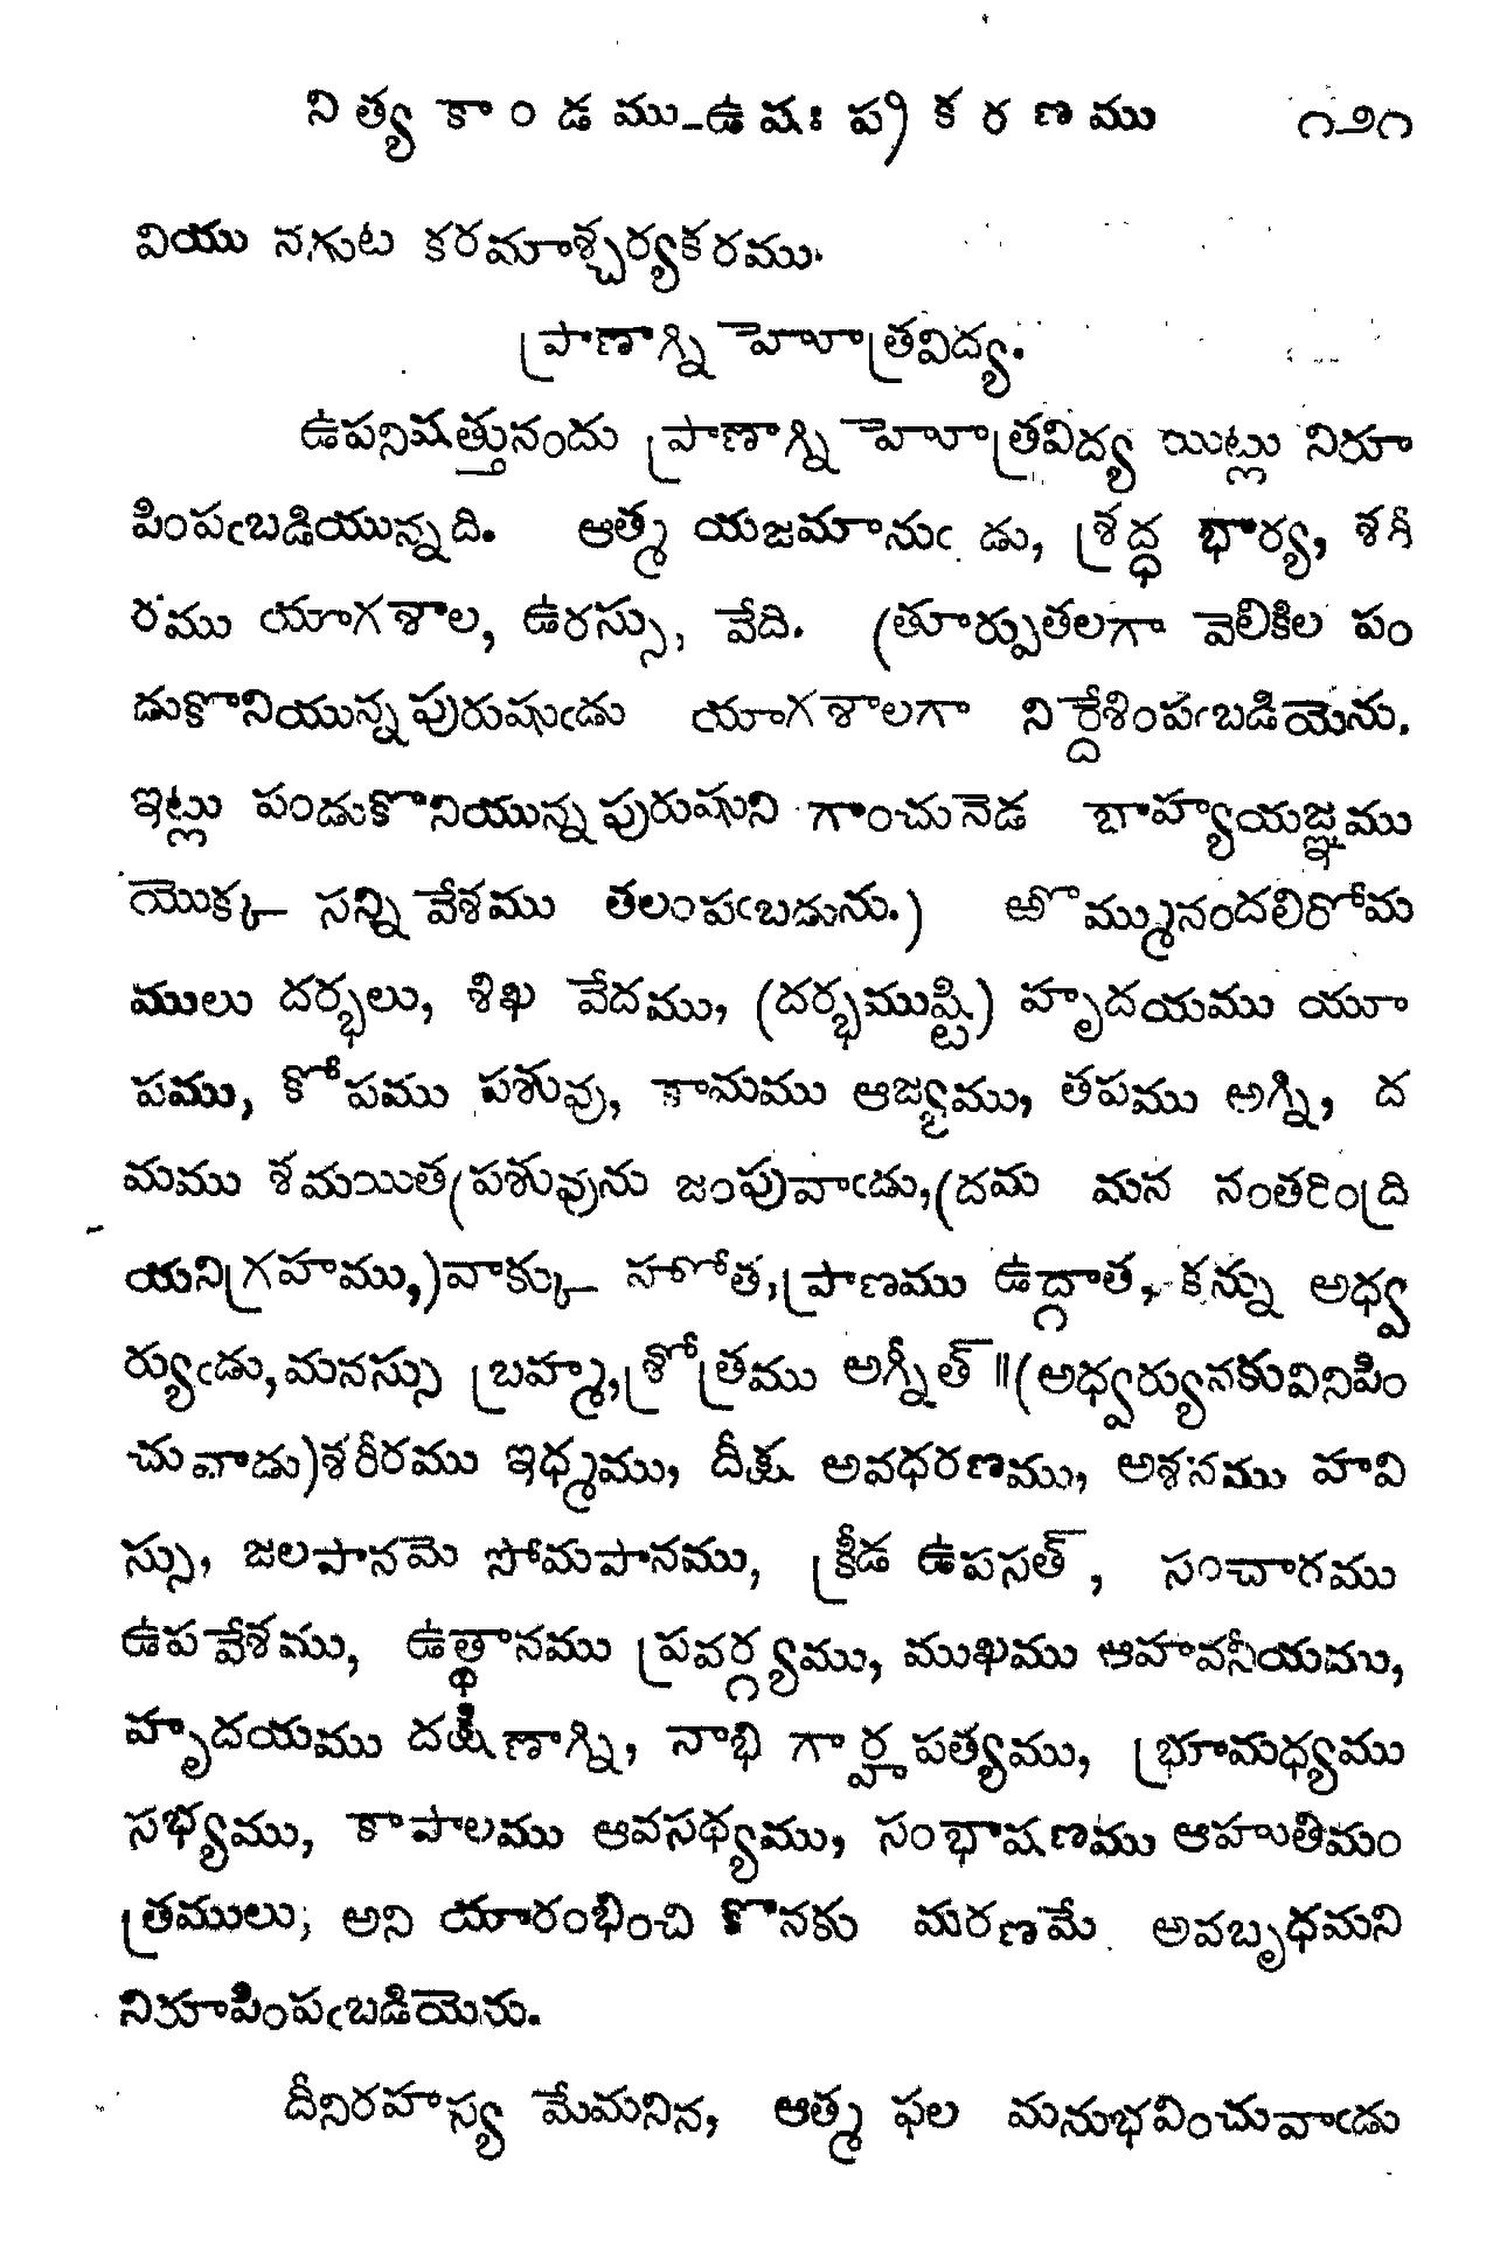వియు నగుట కరమాశ్చర్యకరము.

ఉపనిషత్తునందు ప్రాణాగ్ని హోత్రవిద్య యిట్లు నిరూపింపఁబడియున్నది. ఆత్మ యజమానుఁడు, శ్రద్ధ భార్య, శరీరము యాగశాల, ఉరస్సు, వేది. (తూర్పుతలగా వెలికిల పండుకొనియున్న పురుషుఁడు యాగశాలగా నిర్దేశింపఁబడియెను. ఇట్లు పండుకొనియున్నపురుషుని గాంచునెడ బాహ్యయజ్ఞముయొక్క సన్నివేశము తలంపఁబడును.) ఱొమ్మునందలిరోమములు దర్భలు, శిఖ వేదము, (దర్భముష్టి) హృదయము యూపము, కోపము పశువు, కామము ఆజ్యము, తపము అగ్ని, దమము శమయిత (పశువును జంపువాఁడు, (దమ మన సంతరింద్రియనిగ్రహము,)వాక్కు హోత, ప్రాణము ఉద్గాత, కన్ను అధ్వర్యుఁడు, మనస్సు బ్రహ్మ, శ్రోత్రము అగ్నీత్॥ (అధ్వర్యునకు వినిపించువాడు)శరీరము ఇధ్మము, దీక్ష. అవధరణము, అశనము హవిస్సు, జలపానమె సోమపానము, క్రీడ ఉపసత్, సంచారము ఉపవేశము, ఉత్థానము ప్రవర్గ్యము, ముఖము ఆహవనీయము, హృదయము దక్షిణాగ్ని, నాభి గార్హపత్యము, భ్రూమధ్యము సభ్యము, కాపాలము ఆవసథ్యము, సంభాషణము ఆహుతిమంత్రములు; అని యారంభించి కొనకు మరణమే అవబృధమని నిరూపింపఁబడియెను.

దీనిరహస్య మేమనిన, ఆత్మ ఫల మనుభవించువాఁడు